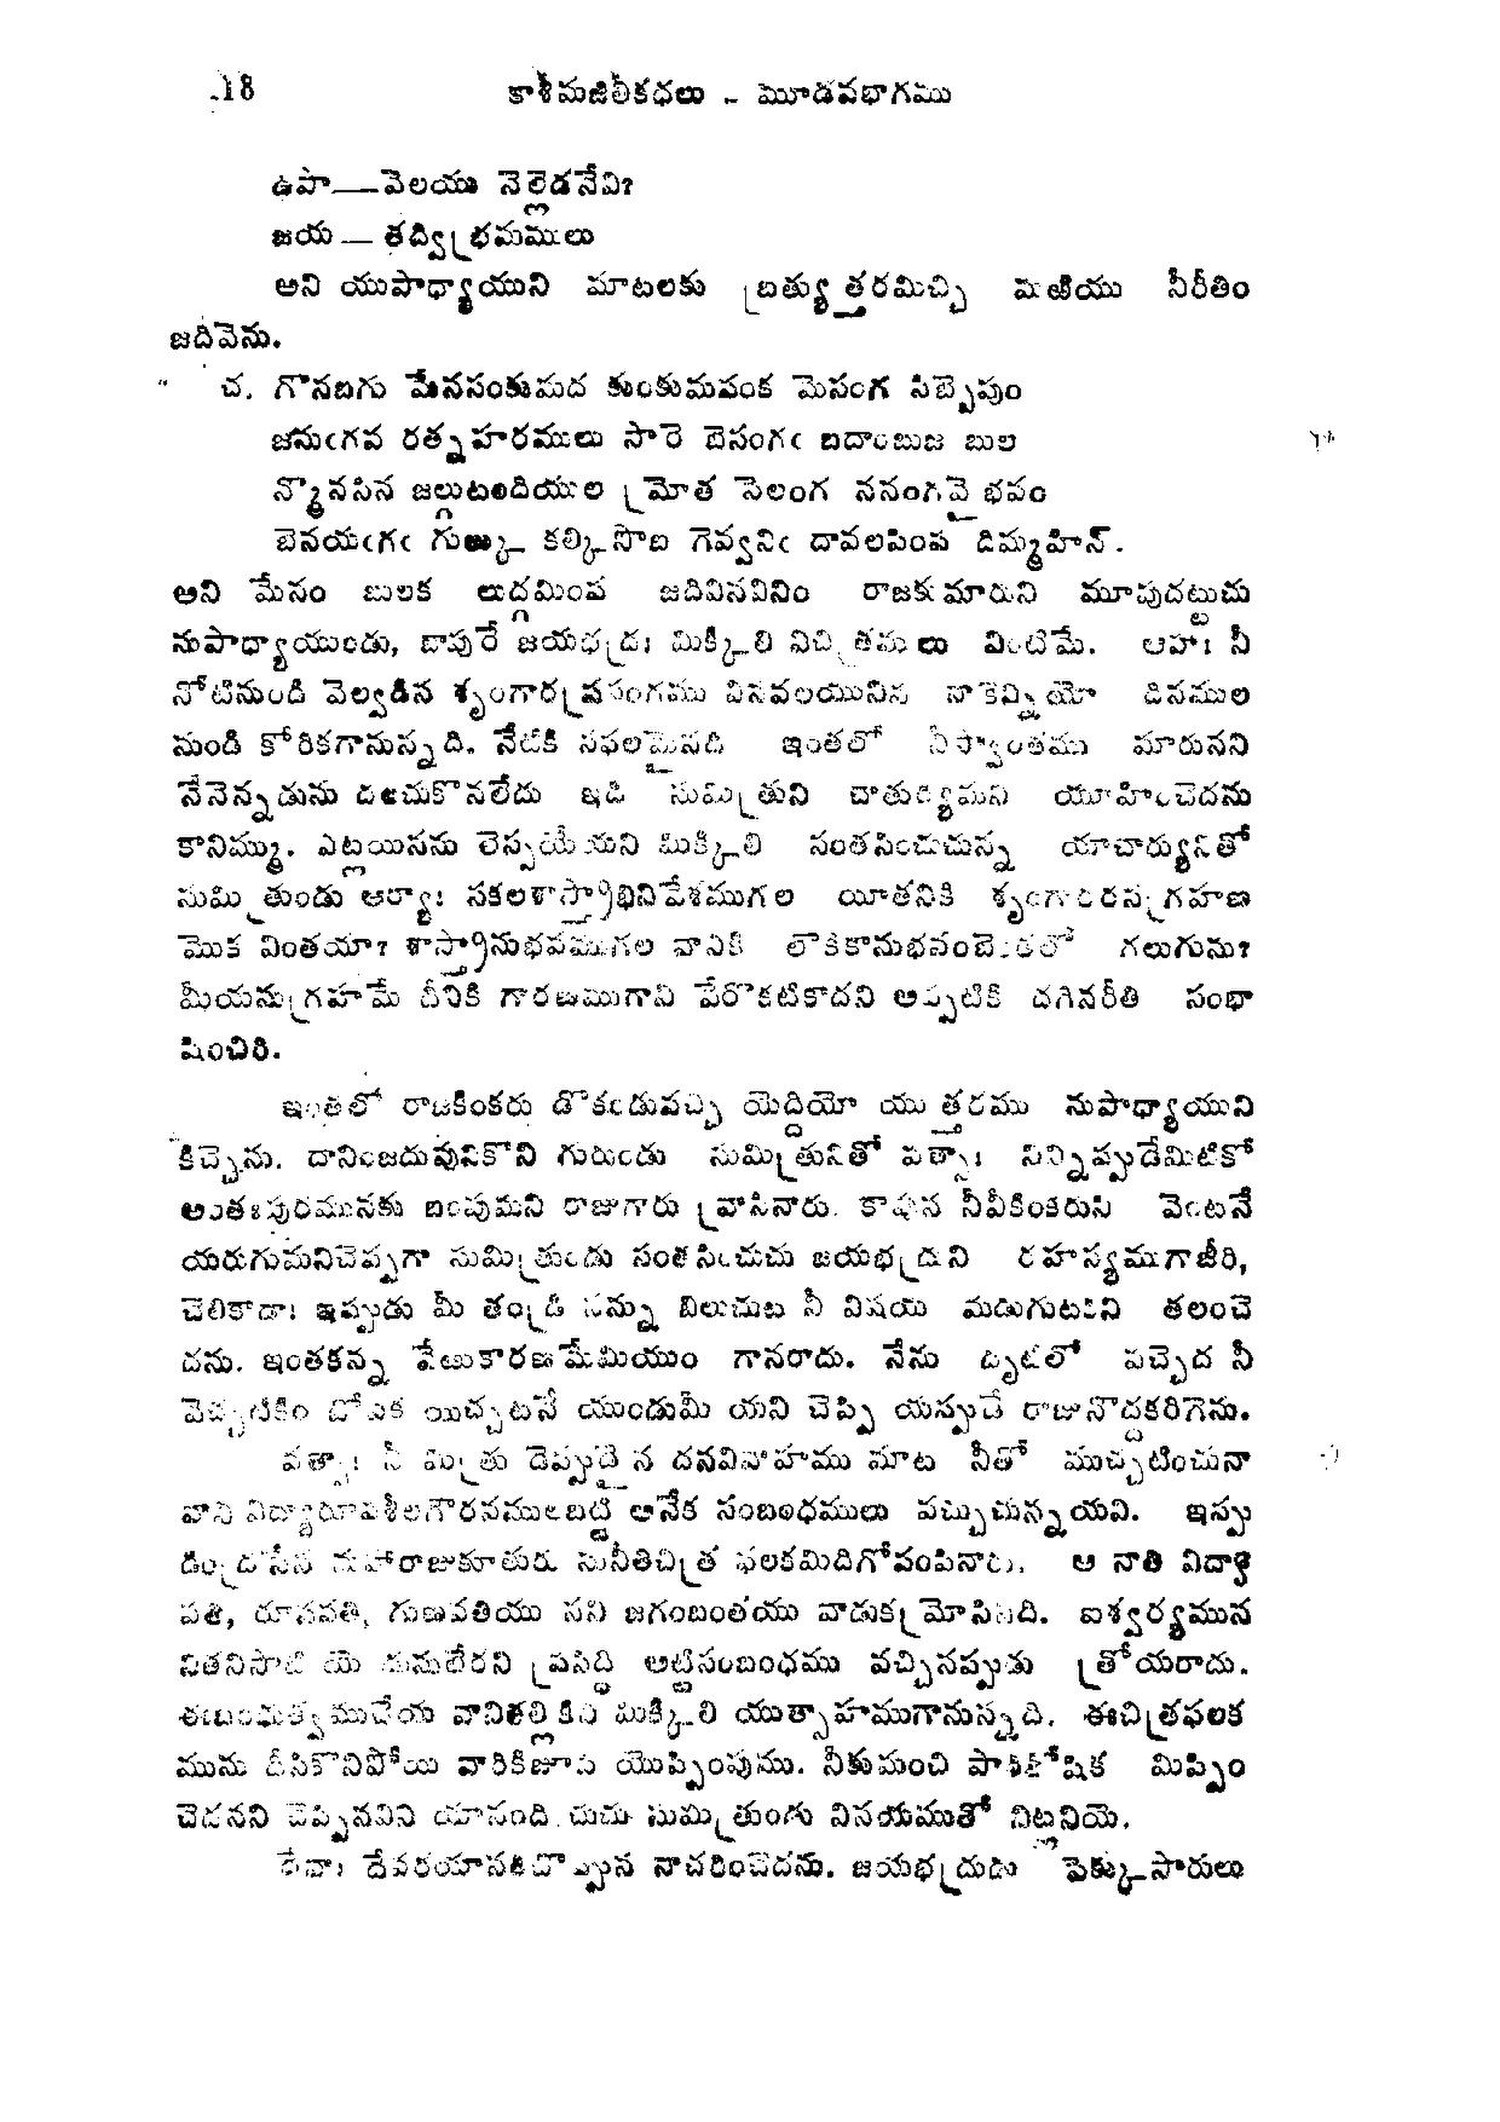ఉపా - వెలయు నెల్లెడనేవి?

జయ - తద్విభ్రమములు

అని యుపాధ్యాయుని మాటలకు బ్రత్యుత్తరమిచ్చి మఱియు నీరీతిం జదివెను.

చ. గొనబగు మేనసంకుమద కుంకుమపంక మెసంగ సిబ్బెపుం
 జనుఁగవ రత్నహారములు సారె బెసంగఁ బదాంబుజంబుల
 న్మొనసిన జల్గుటందియుల మ్రోత సెలంగ ననంగవైభవం
 బెనయఁగఁ గుల్కు కల్కి సొబ గెవ్వనిఁ దావలపింప దిమ్మహిన్.
అని మేనం బులక లుద్గమింప జదివినవినిం రాజకుమారుని మూపుదట్టుచు నుపాధ్యాయుండు, బాపురే జయభద్! మిక్కిలి విచిత్రములు వింటిమే. ఆహా! నీ నోటినుండి వెల్వడిన శృంగారప్రసంగము వినవలయునని నాకెన్నియో దినముల నుండి కోరికగానున్నది. నేటికి సఫలమైనది ఇంతలో నీస్వాంతము మారునని నేనెన్నడును దలచుకొనలేదు. ఇది సుమిత్రుని చాతుర్యమని యూహించెదను
కానిమ్ము. ఎట్లయినను లెస్సయేయని మిక్కిలి సంతసించుచున్న యాచార్యునితో సుమిత్రుండు ఆర్యా! సకలశాస్త్రాభినివేశముగల యీతనికి శృంగారరసగ్రహణ మొక వింతయా? శాస్త్రానుభవముగలవానికి లౌకికానుభవం బెంతలో గలుగును? మీయనుగ్రహమే దీనికి గారణముగాని వేరొకటికాదని అప్పటికి దగినరీతి సంభాషించిరి.

ఇంతలో రాజకింకరు డొకఁడువచ్చి యెద్దియో యుత్తరము నుపాధ్యాయుని కిచ్చెను. దానింజదువుకొని గురుండు సుమిత్రునితో వత్సా! ని న్నిప్పు డేమిటికో అంతఃపురమునకు బంపుమని రాజుగారు వ్రాసినారు. కావున నీ వీకింకరుని వెంటనే యరుగుమని చెప్పగా సుమిత్రుండు సంతసించుచు జయభద్రుని రహస్యముగా జీరి, చెలికాడా! ఇప్పుడు మీ తండ్రి నన్ను బిలుచుట నీ విషయ మడుగుటకని తలంచెదను. ఇంతకన్న వేఱుకారణమేమియుం గానరాదు. నేను దృటిలో వచ్చెద నీ వెచ్చటికిం బోవక యిచ్చటనే యుండుమీ యని చెప్పి యప్పుడే రాజునొద్దకరిగెను.

వత్సా! నీ మిత్రు డెప్పుడైన దనవివాహము మాట నీతో ముచ్చటించునా వాని విద్యారూపశీలగౌరవముల బట్టి అనేకసంబంధములు వచ్చుచున్నయవి. ఇప్పు డింద్రసేనమహారాజుకూతురు సునీతి చిత్రఫలక మిదిగో పంపినారు. ఆ నాతి విద్యావతి, రూపవతి, గుణవతియు నని జగంబంతయు వాడుకమ్రోసినది. ఐశ్వర్యమున నితనిసాటి యెవరునులేరని ప్రసిద్ది అట్టిసంబంధము వచ్చినప్పుడు త్రోయరాదు. ఈబంధుత్వము చేయ వానితల్లికిని మిక్కిలి యుత్సాహముగానున్నది. ఈచిత్రఫలకమును దీసికొనిపోయి వారికి జూపి యొప్పింపుము. నీకు మంచిపారితోషిక మిప్పించెదనని చెప్పినవిని యానందించుచు సుమిత్రుండు వినయముతో నిట్లనియె.

దేవా! దేవరయానతిచొప్పున నాచరించెదను. జయభద్రుడు పెక్కుసారులు